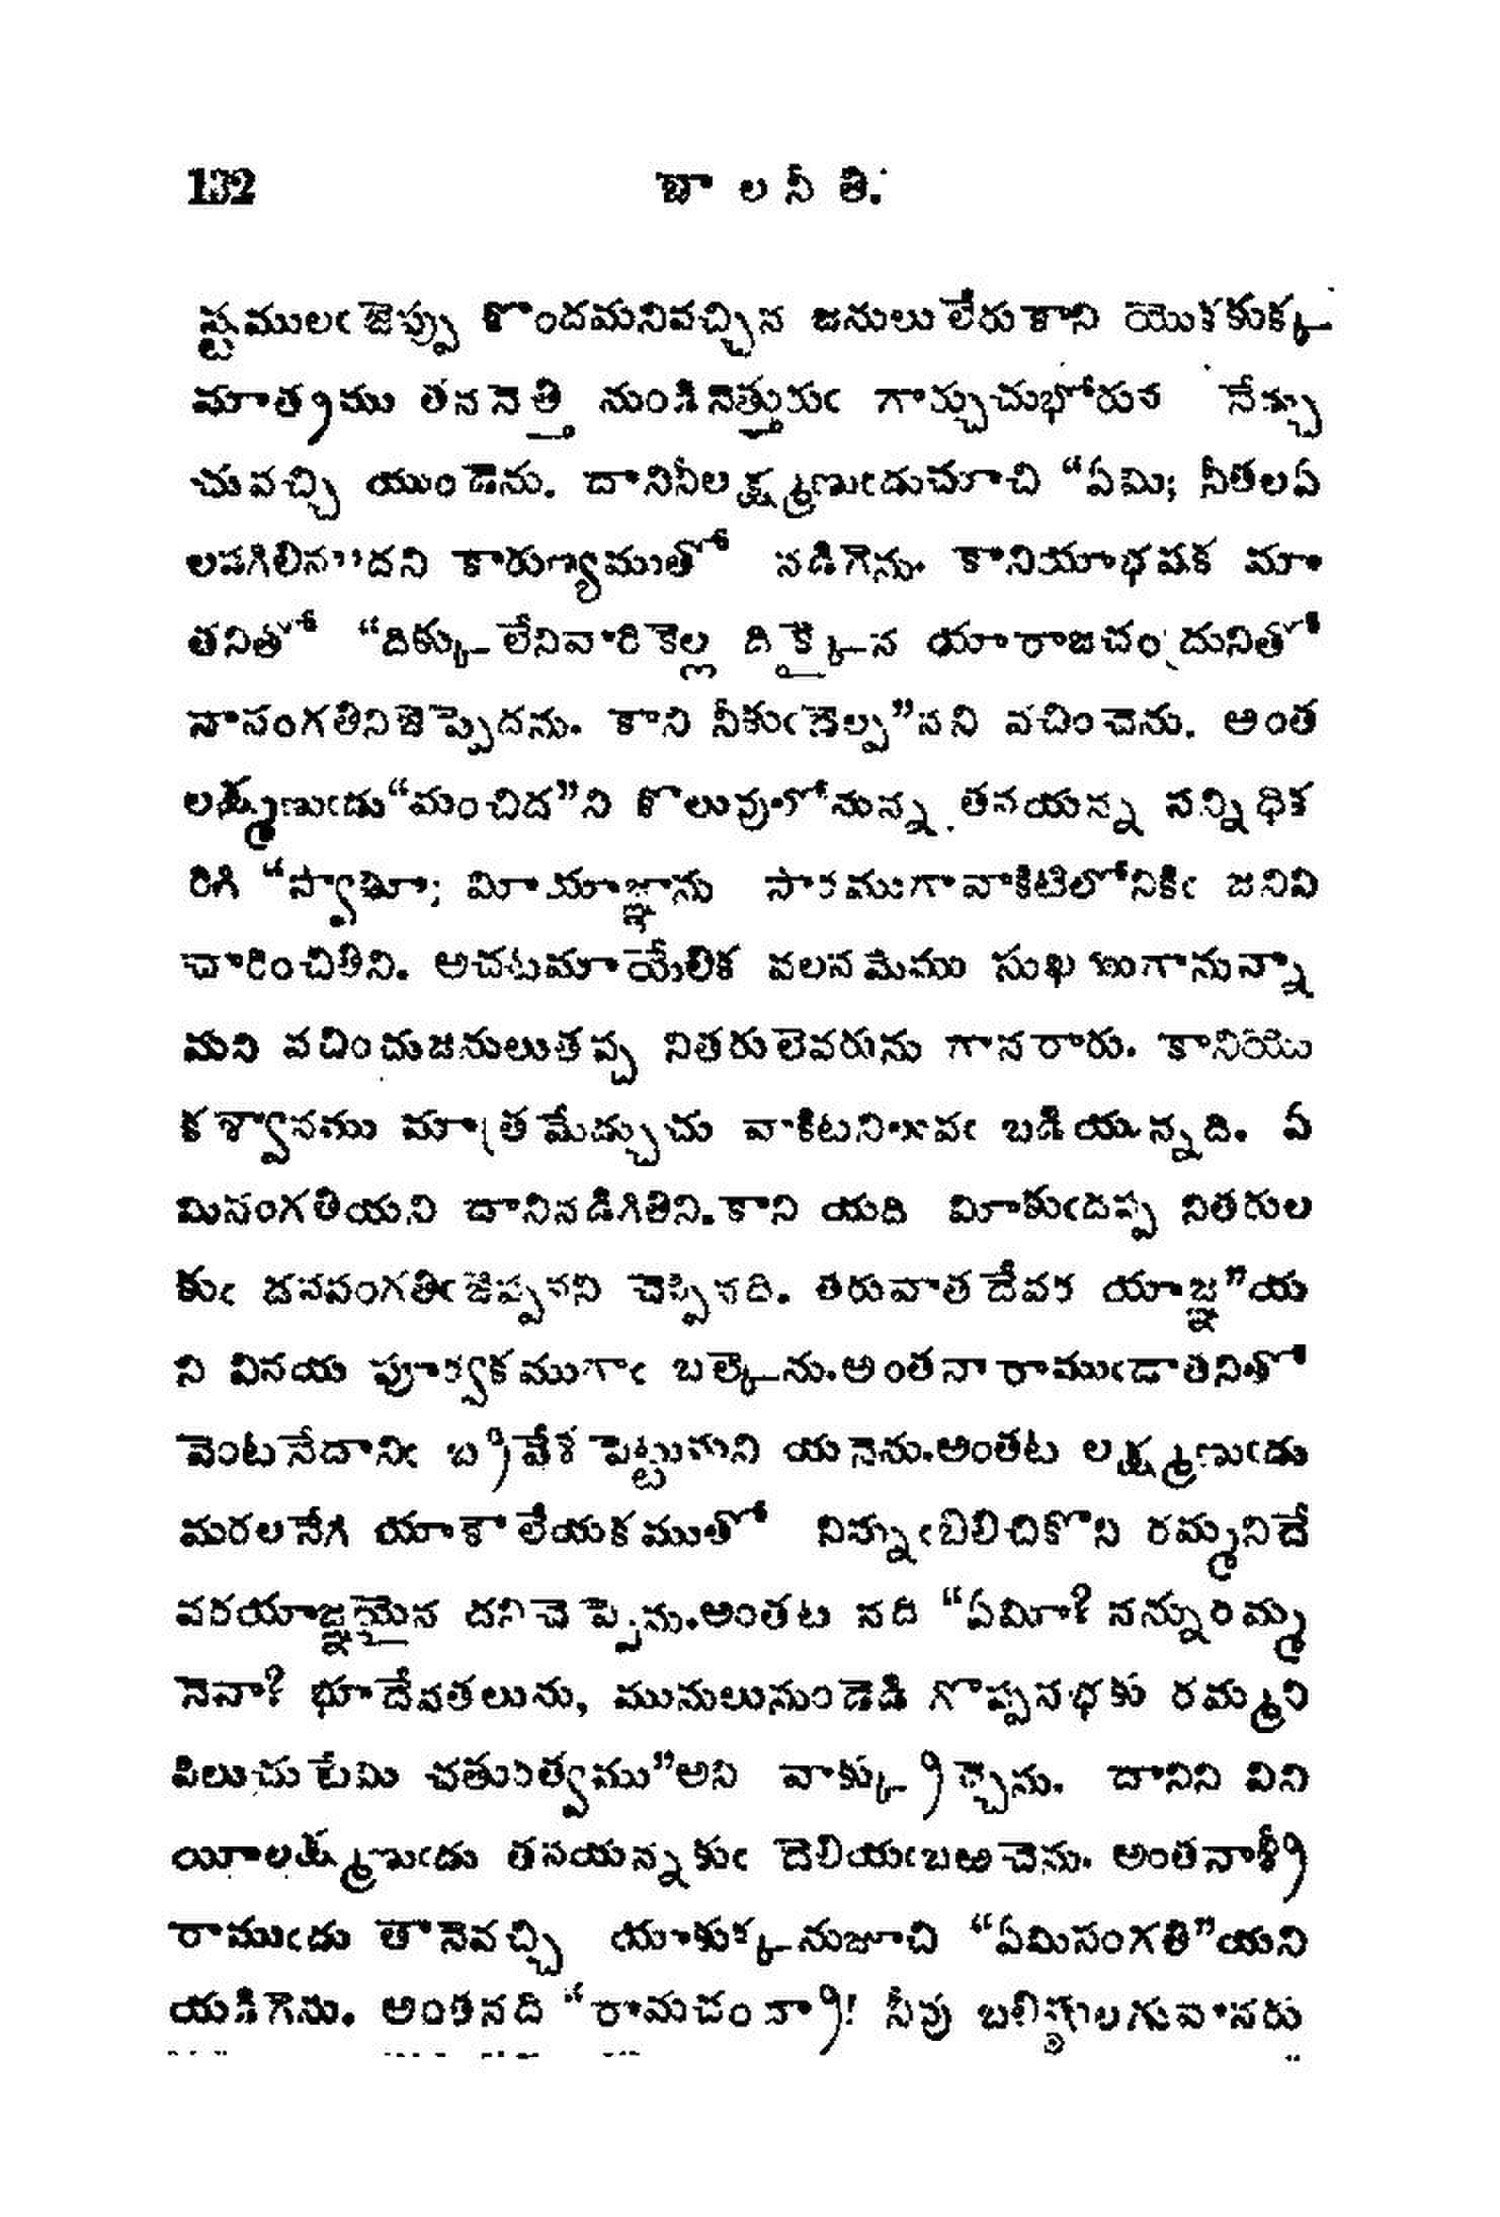ష్టములఁజెప్పు కొందమనివచ్చిన జనులులేరుకాని యొకకుక్క 
మాత్రము తననెత్తి నుండినెత్తురుఁ గార్చుచుభోరున నేడ్చు
చువచ్చి యుండెను. దానినీలక్ష్మణుఁడుచూచి "ఏమి; నీతలఏ
లపగిలిన"దని కారుణ్యముతో నడిగెను. కానియాభషక మా
తనితో "దిక్కులేనివారికెల్ల దిక్కైన యారాజచంద్రునితో 
నాసంగతినిజెప్పెదను. కాని నీకుఁదెల్ప"నని వచించెను. అంత 
లక్ష్మణుఁడు "మంచిద"ని కొలువులోనున్న తనయన్న సన్నిధిక
రిగి "స్వామీ; మీయాజ్ఞాను సారముగావాకిటిలోనికిఁ జనివి
చారించితిని. అచటమాయేలిక వలనమేము సుఖముగానున్నా
మని వచించుజనులుతప్ప నితరులెవరును గానరారు. కానియొ
కశ్వానము మాత్రమేడ్చుచు వాకిటనిలువఁ బడియున్నది. ఏ
మిసంగతియని దానినడిగితిని. కాని యది మీకుఁదప్ప నితరుల
కుఁ దనసంగతిఁజెప్పనని చెప్పినది. తరువాతదేవర యాజ్ఞ"య
ని వినయ పూర్వకముగాఁ బల్కెను. అంతనారాముఁడాతనితో 
వెంటనేదానిఁ బ్రవేశపెట్టుమని యనెను. అంతట లక్ష్మణుఁడు 
మరలనేగి యాకౌలేయకముతో నిన్నుఁబిలిచికొని రమ్మనిదే
వరయాజ్ఞయైన దనిచెప్పెను. అంతట నది "ఏమీ? నన్నురమ్మ
నెనా? భూదేవతలును, మునులునుండెడి గొప్పసభకు రమ్మని 
పిలుచుటేమి చతురత్వము" అని వాక్క్రుచ్చెను. దానిని విని 
యీలక్ష్మణుఁడు తనయన్నకుఁ దెలియఁబఱచెను. అంతనాశ్రీ
రాముఁడు తానెవచ్చి యాకుక్కనుజూచి "ఏమిసంగతి"యని 
యడిగెను. అంతనది "రామచంద్రా! నీవు బలిష్ఠులగువానరు